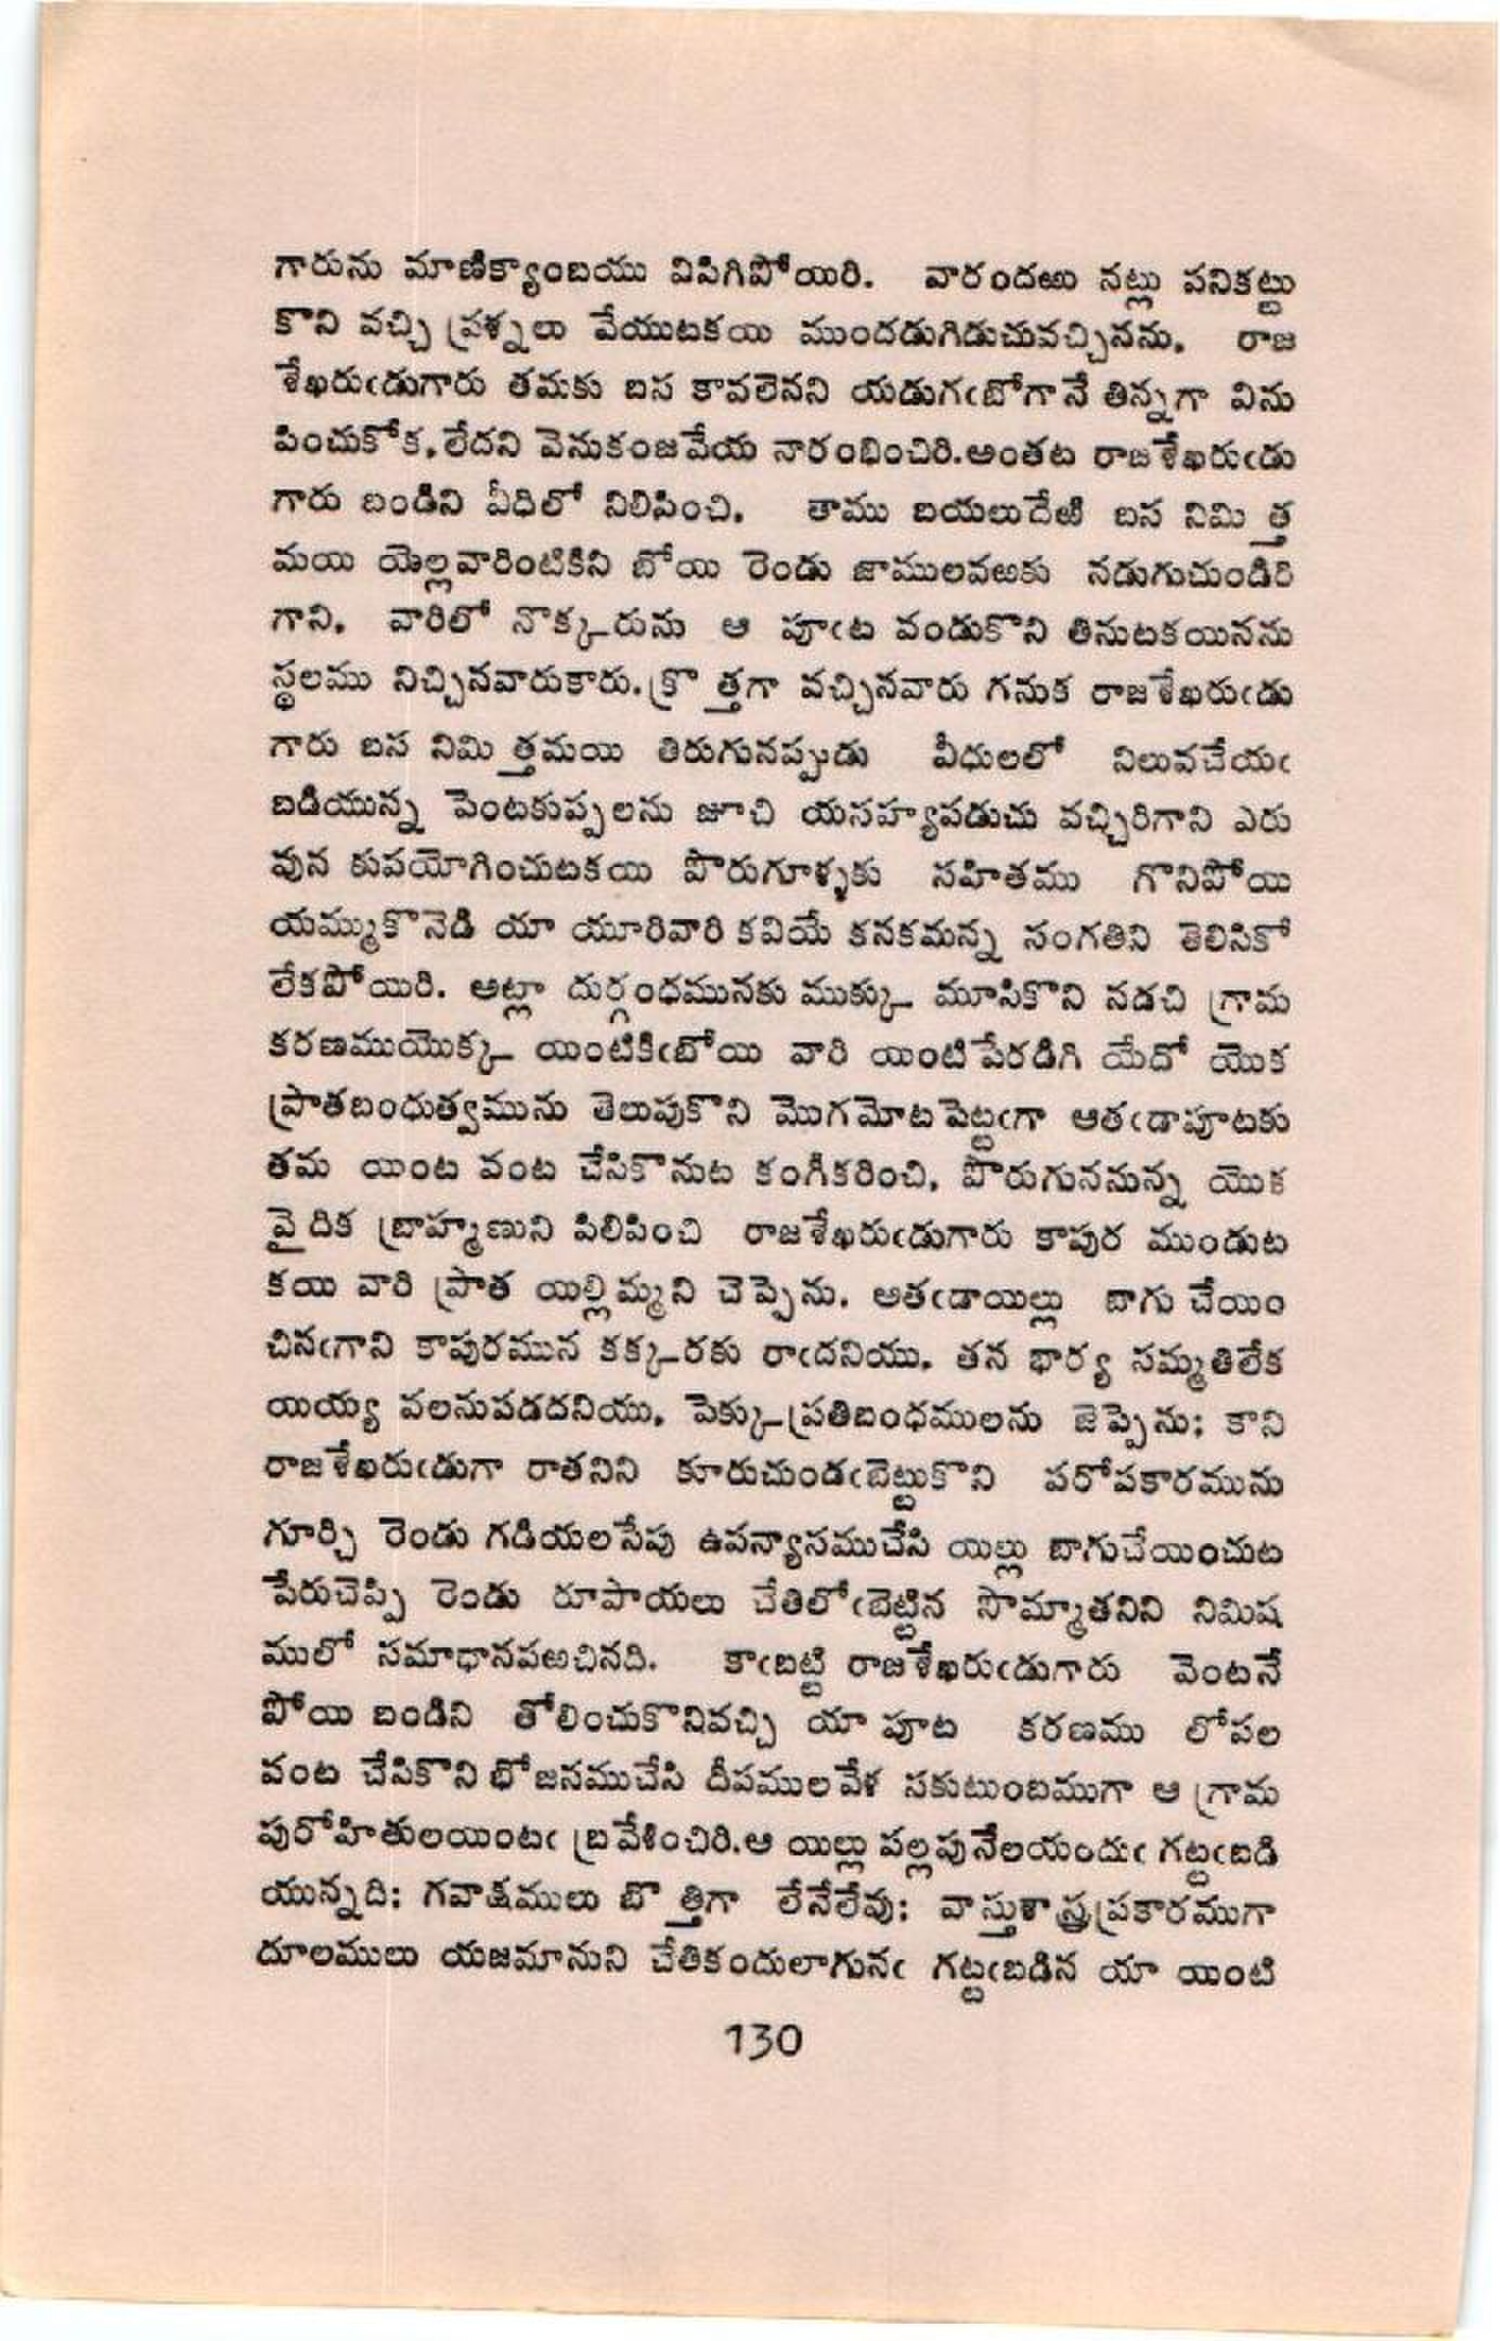గారును మాణిక్యాంబయు విసిగిపోయిరి. వారందఱు నట్లు పనికట్టు కొని వచ్చి ప్రశ్నలు వేయుటకయి ముందడుగిడుచువచ్చినను, రాజ శేఖరుఁడుగారు తమకు బస కావలెనని యడుగఁబోగానే తిన్నగా వినుపించుకోక, లేదని వెనుకంజ వేయ నారంభించిరి.అంతట రాజశేఖరుఁడు గారు బండిని వీధిలో నిలిపించి, తాము బయలుదేఱి బస నిమి_త్త మయి యెల్లవారింటికిని బోయి రెండు జాములవఱకు నడుగుచుండిరి గాని, వారిలో నొక్కరును ఆ పూఁట వండుకొని తినుటకయినను స్థలము నిచ్చినవారుకారు. క్రొత్తగా వచ్చినవారు గనుక రాజశేఖరుఁడు గారు బస నిమిత్తమయి తిరుగునప్పుడు వీథులలో నిలువచేయబడియున్న పెంటకుప్పలను జూచి యసహ్యపడుచు వచ్చిరిగాని ఎరు వున కుపయోగించుటకయి పొరుగూళ్ళకు సహితము గొనిపోయి యమ్ముకొనెడి యా యూరివారి కవియే కనకమన్న సంగతిని తెలిసికో లేకపోయిరి. అట్లా దుర్గంధమునకు ముక్కు మూసికొని నడచి గ్రామ కరణముయొక్క యింటికిఁబోయి వారి యింటిపేరడిగి యేదో యొక ప్రాతబంధుత్వమును తెలుపుకొని మొగమోటపెట్టఁగా ఆతఁడాపూటకు తమ యింట వంట చేసికొనుట కంగీకరించి, పొరుగుననున్న యొక వైదిక బ్రాహ్మణుని పిలిపించి రాజశేఖరుఁడుగారు కాపర ముండుట కయి వారి ప్రాత యిల్లిమ్మని చెప్పెను. అతఁడాయిల్లు బాగు చేయిం చినఁగాని కాపురమున కక్కరకు రాఁదనియు, తన భార్య సమ్మతిలేక యియ్య వలనుపడదనియు, పెక్కుప్రతిబంధములను జెప్పెను; కాని రాజశేఖరుడుగా రాతనిని కూరుచుండఁబెట్టుకొని పరోపకారమును గూర్చి రెండు గడియలసేపు ఉపన్యాసము చేసి యిల్లు బాగుచేయించుట పేరుచెప్పి రెండు రూపాయలు చేతిలోఁబెట్టిన సొమ్మాతనిని నిమిష ములో సమాధానపఱచినది. కాఁబట్టి రాజశేఖరుఁడుగారు వెంటనే పోయి బండిని తోలించుకొనివచ్చి యా పూట కరణము లోపల వంట చేసికొని భోజనముచేసి దీపముల వేళ సకుటుంబముగా ఆ గ్రామ పురోహితులయింట బ్రవేశించిరి. ఆ యిల్లు పల్లపునేలయందుఁ గట్టఁబడి యున్నది; గవాక్షములు బొత్తిగా లేనేలేవు; వాస్తుశాస్త్రప్రకారముగా దూలములు యజమానుని చేతికందులాగునఁ గట్టబడిన యా యింటి